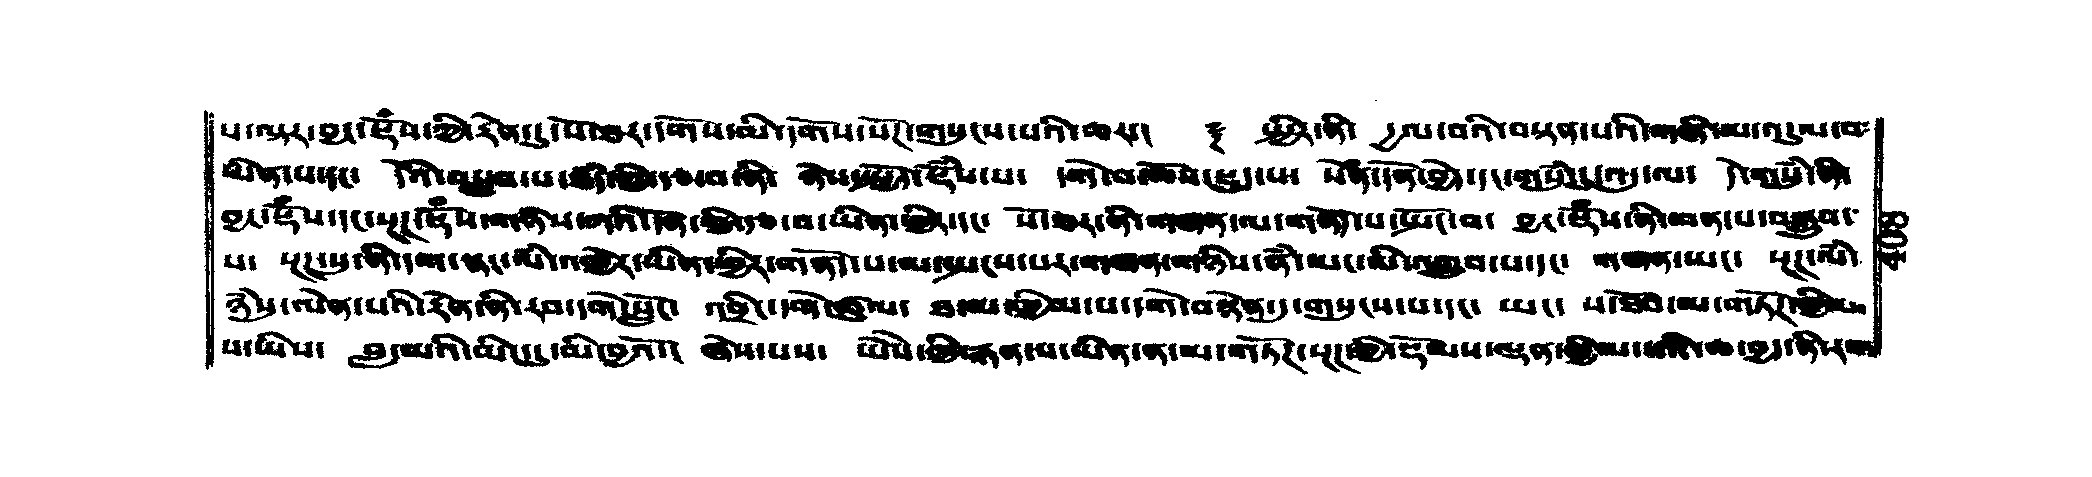པ་ལྟར་བྱང་སྡོམ་གྱི་རྟེན་དུ་སོ་ཐར་དགོས་མི་དགོས་སོགས་གསུངས་པའི་ཆར། སྤྱིར་ནི་རྒྱལ་བའི་བསྟན་པའི་གཞི་མ་འདུལ་བ་
ཡིན་པ་དང་། དེའི་བསླབ་པ་ཐམས་ཅད་ཀྱི་རྩ་བ་ནི། ཉེས་སྤྱོད་སྡོམ་པ། དགེ་བ་ཆོས་སྡུད་པ། སེམས་ཅན་དོན་བྱེད་དང་གསུམ་དུ་འདུ་ལ། དེ་གསུམ་ནི་
བྱང་སྡོམ་དང་སྔགས་སྡོམ་གཉིས་ཀའི་དོན་གྱི་རྩ་བ་ཡིན་ཕྱིར་དང་། སོ་ཐར་ནི་གཞན་ལ་གནོད་པ་སྤོང་བ། བྱང་སྡོམ་ནི་ཕན་པ་བསྒྲུབ་
པ། སྔགས་སུ་ནི་དག་སྣང་ལམ་འཁྱེར་ཡིན་ཕྱིར་གནོད་པ་མ་སྤངས་པར་གཞན་གཉིས་ནམ་ཡང་མི་འགྲུབ་པ་དང་། གཞན་ཡང་། སྔགས་ལམ་
ཉམས་སུ་ལེན་པའི་རྟེན་ནི་རབ་དགེ་སློང་། འབྲིང་དགེ་ཚུལ། ཐ་མ་ཁྱིམ་པ་དགེ་བསྙེན་དུ་གསུངས་པ་དང་། ཡང་། ས་ཐོབ་མ་གཏོགས་ཁྱིམ་
པ་ཡིས། །བླ་མའི་མིང་དུ་མི་བྱའོ། ཞེས་པས་ཡེ་ཤེས་ཀྱི་རྒན་པ་ཡིན་ན་མ་གཏོགས་སྔགས་ཀྱི་སྡོམ་ལྡན་ཁྱིམ་པའི་ཆ་བྱད་ནི་རབ་